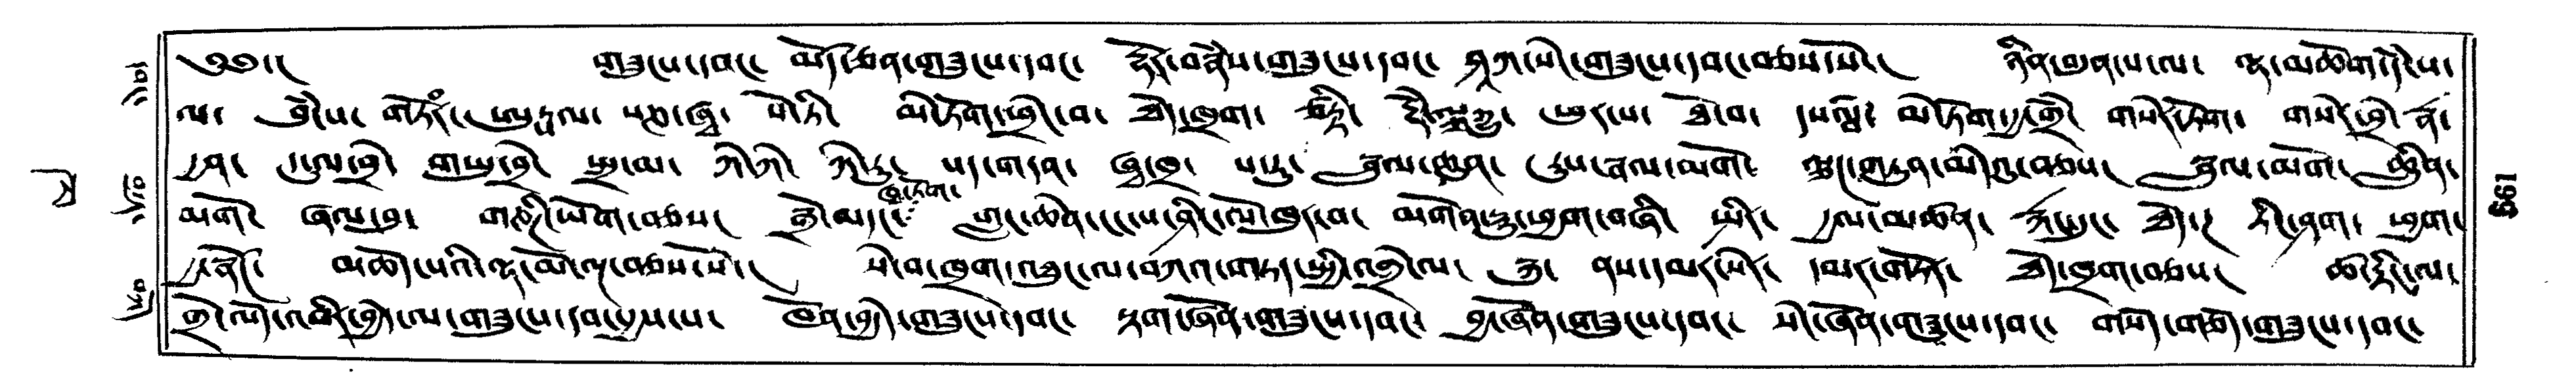གཟུངས་དབང་། མཛོད་ཅན་གཟུངས་དབང་། རྡོར་བསྣམས་གཟུངས་དབང་། ཤཱཀ་སེང་གཟུངས་དབང་བཅས་སོ། ཉིན་བདུན་པ་ལ། ལྷ་མཆོག་དམ་པ་
ལ། བུམ་པ། གཏོར་མ། ཨུཏྤལ། པཎ་ཞྭ། པོ་ཏི། མེ་ཏོག་ཕྲེང་བ། ཐོད་ཁྲག ཙིཏྟ། རྡོ་རྗེ་ལྕགས་ཀྱུ། ཕུར་པ། ཐོ་བ། དཔལ་བེའུ། མེ་ཏོག་རྒྱ་གྲམ། གསེར་ཏོག གསེར་བྲེ། རྣ་
རྒྱན། དངུལ་བྲེ། གཡུ་བྲེ། སྤྲ་མ། ཀེ་ཀེ། ཀེ་རུ། པད་གདན། ཞྭ་ཁྲ། པ་རུ། སྦྲུལ་ཆུན། རུས་སྦལ་མགོ། ལྕགས་གཏུན་མདེའུ་བཅས། སྦྲུལ་མགོ། ཆུ་སྲིན་
མགོ། ཞལ་བུ། གཎྜི་ཡོག་བཅས། སྒྲོ་མདངས་ཞྭ་ཏོག གླང་ཆེན། ངང་པ་ཤིང་ལོ་ཁུར་བ། མགོན་སྐུ་ཕྱག་བཞི། སྤིར། རྒྱལ་མཚན། རྐང་དུང་། ཐོད་ཌ། ཏིང་ཤག པྱག་
རྒྱ་སྣ་ཚོགས། མཆོད་པའི་ལྷ་མོ་ལྔ་བཅས་སོ། སེ་བ་ཁྲག་འཐུང་བཀའ་གཏད་སྤྱི་འགྲོ་ལ། སྐུ། ནས་དམར་སེར། དམར་གཏོར། ཐོད་ཁྲག་བཅས། ཚ་རྟིང་ལ་
གྲོ་ལོད་འབིར་བྱེད་ལ་གཟུངས་དབང་རྒྱས་པ། ཁོན་བྱེད་གཟུངས་དབང་། སྟག་ཞོན་གཟུངས་དབང་། བྱ་ཞོན་གཟུངས་དབང་། སེང་ཞོན་གཟུངས་དབང་། གསོད་གཅོད་གཟུངས་དབང་།